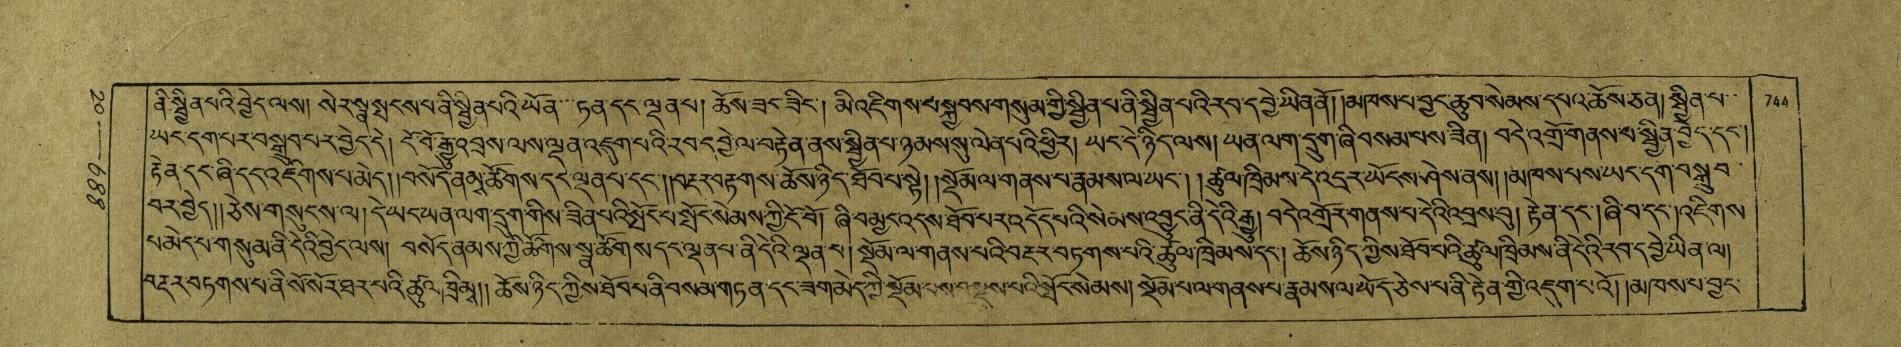ནི་སྦྱིན་པའི་བྱེད་ལས། སེར་སྣ་སྤངས་པ་ནི་སྦྱིན་པའི་ཡོན་ཏན་དང་ལྡན་པ། ཆོས་ཟང་ཟིང་། མི་འཇིགས་པ་སྐྱབས་གསུམ་གྱི་སྦྱིན་པ་ནི་སྦྱིན་པའི་རབ་དབྱེ་ཡིན་ནོ། །མཁས་པ་བྱང་ཆུབ་སེམས་དཔའ་ཆོས་ཅན། སྦྱིན་པ་
ཡང་དག་པར་བསྒྲུབ་པར་བྱེད་དེ། ངོ་བོ་རྒྱུ་འབྲས་ལས་ལྡན་འཇུག་པའི་རབ་དབྱེ་ལ་བརྟེན་ནས་སྦྱིན་པ་ཉམས་སུ་ལེན་པའི་ཕྱིར། ཡང་དེ་ཉིད་ལས། ཡན་ལག་དྲུག་བཞི་བསམ་པས་ཟིན། བདེ་འགྲོ་གནས་པ་སྦྱིན་བྱེད་དང་།
རྟེན་དང་ཞི་དང་འཇིགས་པ་མེད། །བསོད་ནམས་ཚོགས་དང་ལྡན་པ་དང་། །བརྡར་བརྟགས་ཆོས་ཉིད་ཐོབ་པ་སྟེ། །སྡོམ་ལ་གནས་པ་རྣམས་ལ་ཡང་། །ཚུལ་ཁྲིམས་དེ་འདྲར་ཡོངས་ཤེས་ནས། །མཁས་པས་ཡང་དག་བསྒྲུབ་
པར་བྱེད། །ཅེས་གསུངས་ལ། དེ་ཡང་ཡན་ལག་དྲུག་གིས་ཟིན་པའི་སྤོང་པ་སྤོང་སེམས་ཀྱི་ངོ་བོ། ཞི་བ་མྱང་འདས་ཐོབ་པར་འདོད་པའི་སེམས་འབྱུང་ནི་དེའི་རྒྱུ། བདེ་འགྲོར་གནས་པ་དེའི་འབྲས་བུ། རྟེན་དང་། ཞི་བ་དང་། འཇིགས་
པ་མེད་པ་གསུམ་ནི་དེའི་བྱེད་ལས། བསོད་ནམས་ཀྱི་ཚོགས་སྣ་ཚོགས་དང་ལྡན་པ་ནི་དེའི་ལྡན་པ། སྡོམ་ལ་གནས་པའི་བརྡར་བཏགས་པའི་ཚུལ་ཁྲིམས་དང་། ཆོས་ཉིད་ཀྱིས་ཐོབ་པའི་ཚུལ་ཁྲིམས་ནི་དེའི་རབ་དབྱེ་ཡིན་ལ།
བརྡར་བཏགས་པ་ནི་སོ་སོར་ཐར་པའི་ཚུལ་ཁྲིམས། །ཆོས་ཉིད་ཀྱིས་ཐོབ་པ་ནི་བསམ་གཏན་དང་ཟག་མེད་ཀྱི་སྡོམ་པས་བསྡུས་པའི་སྤོང་སེམས། སྡོམ་པ་ལ་གནས་པ་རྣམས་ལ་ཡོད་ཅེས་པ་ནི་རྟེན་གྱི་འཇུག་པའོ། །མཁས་པ་བྱང་